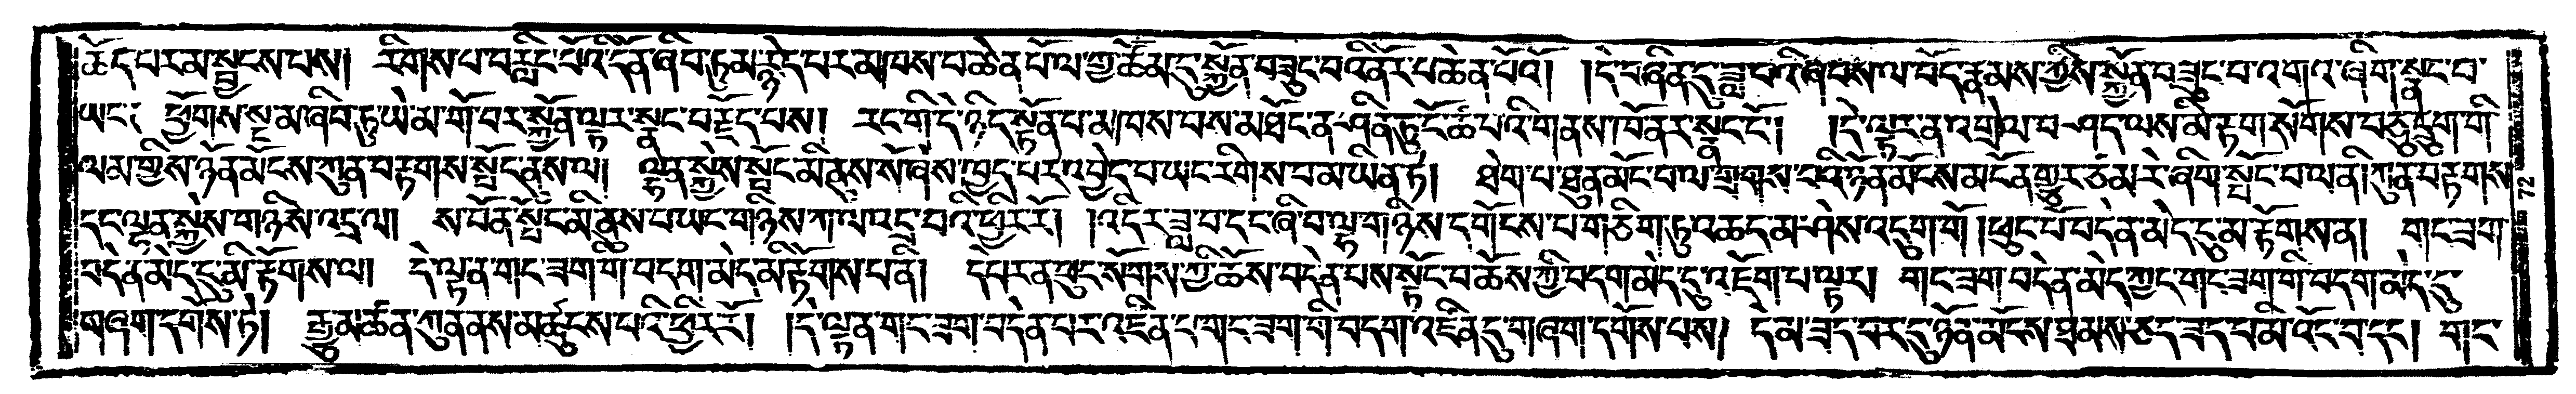ཆོད་པར་མ་སྦྱངས་པས། རིགས་པ་བརླིང་པོའི་དོན་ཞིབ་ཏུ་མ་རྙེད་པར་མཁས་པ་ཆེན་པོ་ལ་གྱ་ཚོམ་དུ་སྐྱོན་བཟུང་བའི་ནོར་པ་ཆེན་པོའོ། །དེ་བཞིན་དུ་ཟླ་བའི་ཞབས་ལ་བོད་རྣམས་ཀྱིས་སྐྱོན་བཟུང་བ་འགའ་ཞིག་སྣང་བ་
ཡང་། ཕྱོགས་སྔ་མ་ཞིབ་ཏུ་ཡེ་མ་གོ་བར་སྐྱོན་ལྟར་སྣང་བརྗོད་པས། རང་གི་དེ་ཉིད་སྟོན་པ་མཁས་པས་མཐོང་ན་ཤིན་ཏུ་ངོ་ཚ་བའི་གནས་ཁོ་ནར་སྣང་ངོ། །དེ་ལྟར་ན་འགྲེལ་བཤད་ལས་མི་རྟག་སོགས་བཅུ་དྲུག་གི་
ལམ་གྱིས་ཉོན་མོངས་ཀུན་བརྟགས་སྤོང་ནུས་ལ། ལྷན་སྐྱེས་སྤོང་མི་ནུས་སོ་ཞེས་ཁྱད་པར་འབྱེད་པ་ཡང་རིགས་པ་མ་ཡིན་ཏེ། ཐེག་པ་ཐུན་མོང་བ་ལ་གྲགས་པའི་ཉོན་མོངས་མངོན་གྱུར་ཙམ་རེ་ཞིག་སྤོང་བ་ལ་ནི། ཀུན་བརྟགས་
དང་ལྷན་སྐྱེས་གཉིས་འདྲ་ལ། ས་བོན་སྤོང་མི་ནུས་པ་ཡང་གཉིས་ཀ་ལ་འདྲ་བའི་ཕྱིར་རོ། །འདིར་ཟླ་བ་དང་ཞི་བ་ལྷ་གཉིས་དགོངས་པ་གཅིག་ཏུ་འཆད་མ་ཤེས་འདུག་གོ །ཕུང་པོ་བདེན་མེད་དུ་མ་རྟོགས་ན། གང་ཟག་
བདེན་མེད་དུ་མི་རྟོགས་ལ། དེ་ལྟ་ན་གང་ཟག་གི་བདག་མེད་མི་རྟོགས་པ་ནི། དཔེར་ན་ཕུང་སོགས་ཀྱི་ཆོས་བདེན་པས་སྟོང་པ་ཆོས་ཀྱི་བདག་མེད་དུ་འཇོག་པ་ལྟར། གང་ཟག་བདེན་མེད་ཀྱང་གང་ཟག་གི་བདག་མེད་དུ་
གཞག་དགོས་ཏེ། རྒྱུ་མཚན་ཀུན་ནས་མཚུངས་པའི་ཕྱིར་རོ། །དེ་ལྟ་ན་གང་ཟག་བདེན་པར་འཛིན་པ་གང་ཟག་གི་བདག་འཛིན་དུ་གཞག་དགོས་པས། དེ་མ་ཟད་བར་དུ་ཉོན་མོངས་ཐམས་ཅད་ཟད་པ་མི་འོང་བ་དང་། གང་